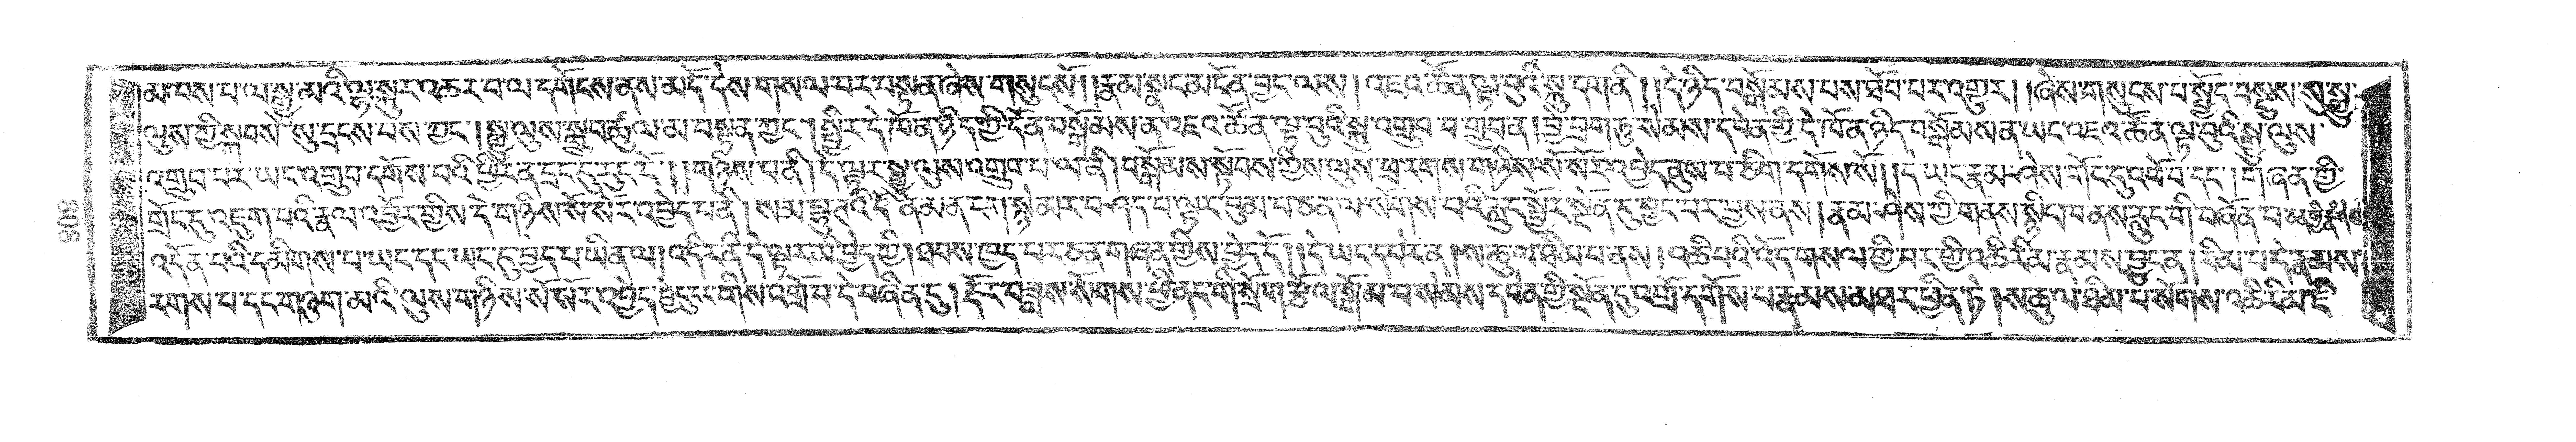མཁས་པ་ལ་སྒྱུ་མའི་ལྷ་སྐུར་འཆར་བ་ལ་དགོངས་ནས་མདོ་དེས་གསལ་བར་བསྟན་ཞེས་གསུངས་སོ། །རྣམ་སྣང་མངོན་བྱང་ལས། འཇའ་ཚོན་ལྟ་བུའི་སྐུ་དག་ནི། །དེ་ཉིད་བསྒོམས་པས་ཐོབ་པར་འགྱུར། །ཞེས་གསུངས་པ་སྤྱོད་བསྡུས་སུ་སྒྱུ་
ལུས་ཀྱི་སྐབས་སུ་དྲངས་པས་ཀྱང་། སྒྱུ་ལུས་སྒྲུབ་ཚུལ་མ་བསྟན་ཀྱང་། སྤྱིར་དེ་ཁོ་ན་ཉིད་ཀྱི་དོན་བསྒོམས་ན་འཇའ་ཚོན་ལྟ་བུའི་སྐུ་འགྲུབ་པ་གྲུབ་ན། བྱེ་བྲག་ཏུ་སེམས་དབེན་གྱི་དེ་ཁོ་ན་ཉིད་བསྒོམས་ན་ཡང་འཇའ་ཚོན་ལྟ་བུའི་སྒྱུ་ལུས་
འགྲུབ་པར་ཡང་འགྲུབ་དགོས་པའི་ཕྱིར་ན་དྲང་དུ་རུང་ངོ། །གཉིས་པ་ནི། དེ་ལྟར་སྒྱུ་ལུས་འགྲུབ་པ་ལ་ནི། བསྒོམས་སྟོབས་ཀྱིས་ལུས་ཕྲ་རགས་གཉིས་སོ་སོར་འབྱེད་ནུས་པ་ཅིག་དགོས་སོ། །དེ་ཡང་རྣམ་ཤེས་གོང་དུ་འཕོ་བ་དང་། གཞན་གྱི་
གྲོང་དུ་འཇུག་པའི་རྣལ་འབྱོར་གྱིས་དེ་གཉིས་སོ་སོར་འབྱེད་པ་ནི། སམ་བྷུ་ཊའི་དོན་ན་མན་ངག་སྙེ་མར་བཤད་པ་ལྟར་བུམ་པ་ཅན་ལ་སོགས་པའི་རླུང་སྦྱོར་སྔོན་དུ་བྱང་བར་བྱས་ནས། རྣམ་ཤེས་ཀྱི་གནས་སྙིང་ཁ་ནས་རླུང་གི་བཞོན་པ་ཅན་གྱི་རྣམ་ཤེས་
འདོན་པའི་དམིགས་པ་ཡང་དང་ཡང་དུ་བྱེད་པ་ཡིན་ལ། འདིར་ནི་དེ་ལྟར་མི་བྱེད་ཀྱི། ཐབས་ཁྱད་པར་ཅན་གཞན་གྱིས་བྱེད་དོ། །དེ་ཡང་དཔེར་ན། ས་ཆུ་ལ་ཐིམ་པ་ནས། འཆི་བའི་འོད་གསལ་གྱི་བར་གྱི་འཆི་རིམ་རྣམས་བྱུང་ན། རིམ་པ་དེ་རྣམས་
རགས་པ་དང་གཉུག་མའི་ལུས་གཉིས་སོ་སོར་འབྱེད་བྱེད་དུ་ངང་གིས་འགྲོ་བ་དེ་བཞིན་དུ། རྡོར་བཟླས་སོགས་ཕྱི་ནང་གི་སྲོག་རྩོལ་སྒོམ་པ་སེམས་དབེན་གྱི་སྔོན་དུ་འགྲོ་དགོས་པ་རྣམས་མཐར་ཕྱིན་ཏེ། ས་ཆུ་ལ་ཐིམ་པ་སོགས་འཆི་རིམ་ཇི་